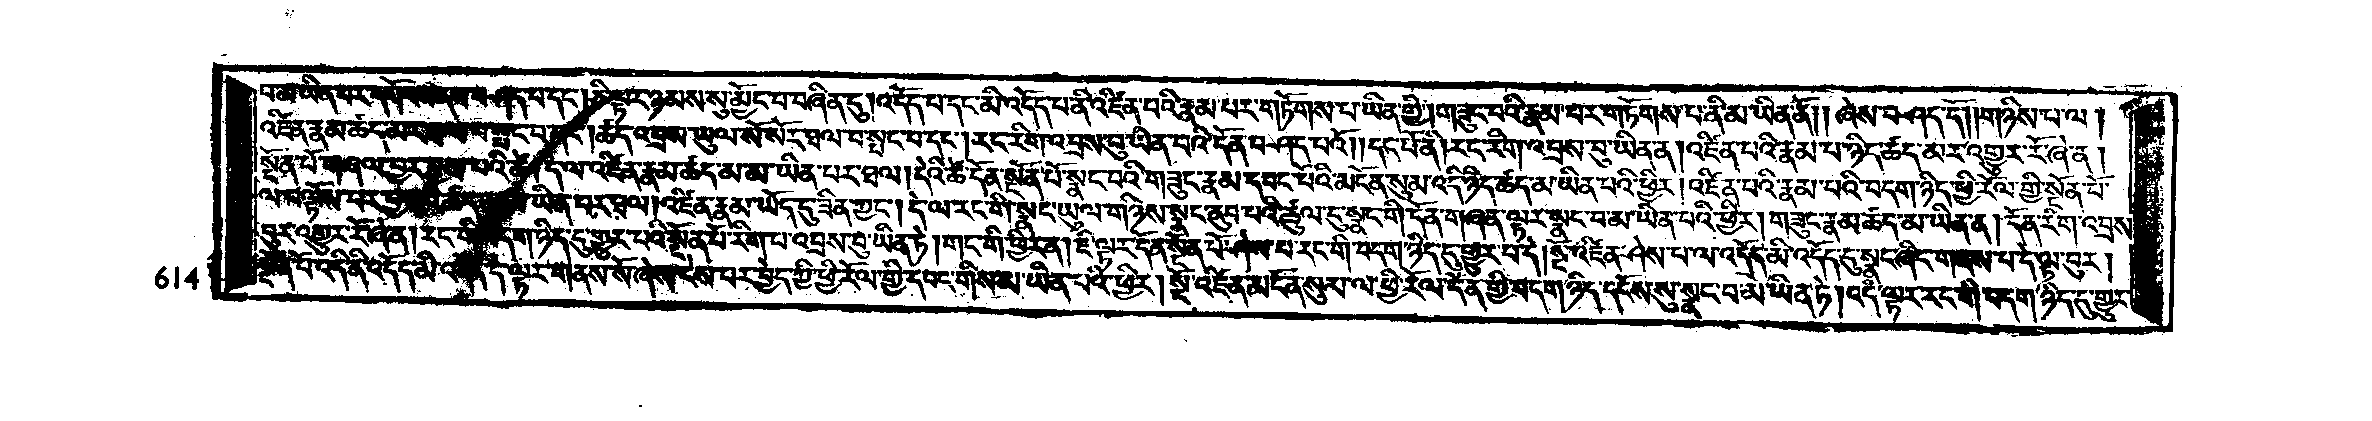པ་མ་ཡིན་པར་དགོངས་ནས་བཤད་པ་དང་། ཅི་ལྟར་ཉམས་སུ་མྱོང་བ་བཞིན་དུ། འདོད་པ་དང་མི་འདོད་པ་ནི་འཛིན་པའི་རྣམ་པར་གཏོགས་པ་ཡིན་གྱི། གཟུང་བའི་རྣམ་པར་གཏོགས་པ་ནི་མ་ཡིན་ནོ། །ཞེས་བཤད་དོ། །གཉིས་པ་ལ།
འཛིན་རྣམ་ཚད་མར་ཐལ་བ་སྤང་བ་དང་། ཚད་འབྲས་ཡུལ་སོ་སོར་ཐལ་བ་སྤང་བ་དང་། རང་རིག་འབྲས་བུ་ཡིན་པའི་དོན་བཤད་པའོ། །དང་པོ་ནི། རང་རིག་འབྲས་བུ་ཡིན་ན། འཛིན་པའི་རྣམ་པ་ཉིད་ཚད་མར་འགྱུར་རོ་ཞེ་ན་།
སྔོན་པོ་གཞལ་བྱར་བྱས་པའི་ཚེ། དེ་ལ་འཛིན་རྣམ་ཚད་མ་མ་ཡིན་པར་ཐལ། དེའི་ཚེ་དོན་སྔོན་པོ་སྣང་བའི་གཟུང་རྣམ་དབང་པོའི་མངོན་སུམ་འདི་ཉིད་ཚད་མ་ཡིན་པའི་ཕྱིར། འཛིན་པའི་རྣམ་པའི་བདག་ཉིད་ཕྱི་རོལ་གྱི་སྔོན་པོ་
ལ་བལྟོས་པར་བྱ་བའི་ཚད་མ་མ་ཡིན་པར་ཐལ། འཛིན་རྣམ་ཡོད་དུ་ཟིན་ཀྱང་། དེ་ལ་རང་གི་སྣང་ཡུལ་གཉིས་སྣང་ནུབ་པའི་ཚུལ་དུ་སྣང་གི་དོན་གཞན་ལྟར་སྣང་བ་མ་ཡིན་པའི་ཕྱིར། གཟུང་རྣམ་ཚད་མ་ཡིན་ན། དོན་རིག་འབྲས་
བུར་འགྱུར་རོ་ཞེ་ན། རང་གི་བདག་ཉིད་དུ་གྱུར་པའི་སྔོན་པོ་རིག་པ་འབྲས་བུ་ཡིན་ཏེ། གང་གི་ཕྱིར་ན། ཇི་ལྟར་དོན་སྔོན་པོ་ཤེས་པ་རང་གི་བདག་ཉིད་དུ་གྱུར་པ་དེ། སྔོན་འཛིན་ཤེས་པ་ལ་འདོད་མི་འདོད་དུ་སྣང་ཞིང་གནས་པ་དེ་ལྟ་བུར།
སྔོན་པོ་འདི་ནི་འདོད་མི་འདོད་དེ་ལྟར་གནས་སོ་ཞེས་ངེས་པར་བྱེད་ཀྱི་ཕྱི་རོལ་གྱི་དབང་གིས་མ་ཡིན་པའི་ཕྱིར། སྔོ་འཛིན་མངོན་སུམ་ལ་ཕྱི་རོལ་དོན་གྱི་བདག་ཉིད་དངོས་སུ་སྣང་བ་མ་ཡིན་ཏེ། འདི་ལྟར་རང་གི་བདག་ཉིད་དུ་གྱུར་